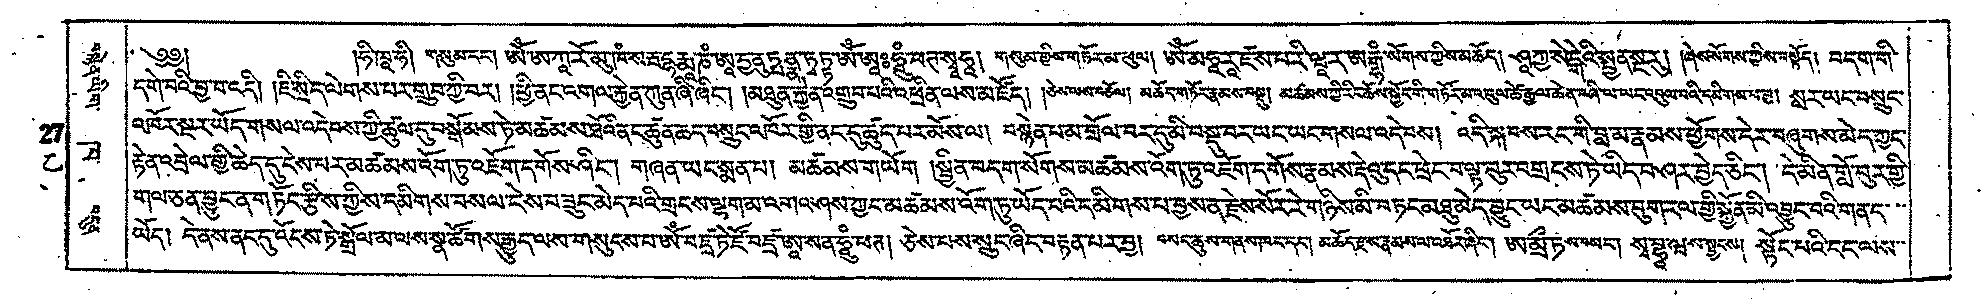༄༅། །ཧི་ཁཱ་ཧི། གསུམ་དང་།  ཨོཾ་ཨ་ཀཱ་རོ་མུ་ཁཾ་སརྦ་དྷརྨཱ་ཎཾ་ཨཱ་དྱ་ནུ་ཏཔྣན་ཏྭཏྟ་ཨོཾ་ཨཱཿཧཱུཾ་ཕཊ་སྭཱ་ཧཱ། གསུམ་གྱིས་གཏོར་མ་ཕུལ།  ཨོཾ་མྷཱ་རཱ་ཛ་ས་པ་རི་ཝཱ་ར་ཨརྒྷཾ་སོགས་ཀྱིས་མཆོད།  ཤཱཀྱ་སེངྒེའི་སྤྱན་སྔ་རུ། །ཞེས་སོགས་ཀྱིས་བསྟོད།  བདག་གི་
དགེ་བའི་བྱ་བ་འདི། །ཇི་སྲིད་ལེགས་པར་གྲུབ་ཀྱི་བར། །ཕྱི་ནང་འགལ་རྐྱེན་ཀུན་ཞི་ཞིང་། །མཐུན་རྐྱེན་འགྲུབ་པའི་འཕྲིན་ལས་མཛོད། །ཅེས་ལས་བཅོལ། མཆོད་གཏོར་རྣམས་བསྡུ། མཚམས་ཀྱི་རིང་ཆོས་སྐྱོང་གི་གཏོར་མ་འབུལ་ཚེ་རྒྱལ་ཆེན་བཞི་ལ་ཡང་འབུལ་བའི་དམིགས་པ་བྱ། སླར་ཡང་བསྲུང་
འཁོར་སྔར་ཡོད་གསལ་འདེབས་ཀྱི་ཚུལ་དུ་བསྒོམས་ཏེ་མཚམས་ཐོའི་ནང་ཚུན་ཆད་བསྲུང་འཁོར་གྱི་ནང་དུ་ཚུད་པར་མོས་ལ། བསྙེན་པ་མ་གྲོལ་བར་དུ་མི་བསྡུ་བར་ཡང་ཡང་གསལ་འདེབས། འདི་སྐབས་རང་གི་བླ་མ་རྣམས་ཕྱོགས་དེར་བཞུགས་མེད་ཀྱང་
རྟེན་འབྲེལ་གྱི་ཆེད་དུ་ངེས་པར་མཚམས་འོག་ཏུ་འཇོག་དགོས་ཤིང་། གཞན་ཡང་སྨན་པ། མཚམས་གཡོག །སྦྱིན་བདག་སོགས་མཚམས་འོག་ཏུ་འཇོག་དགོས་རྣམས་རྡེའུ་དང་ཕྲེང་བ་ལྟ་བུར་བགྲངས་ཏེ་ཡིད་བཤར་བྱེད་ཅིང་། དེ་མིན་གློ་བུར་གྱི་
གལ་ཅན་བྱུང་ན་གཏོང་རྩིས་ཀྱིས་དམིགས་བསལ་ངེས་བཟུང་མེད་པའི་གྲངས་ལྷག་མ་འགའ་ཤས་ཀྱང་མཚམས་འོག་ཏུ་ཡོད་པའི་དམིགས་པ་བྱས་ན་རྗེས་སོར་རེ་གཉིས་མི་བཏང་མཐུ་མེད་བྱུང་ཡང་མཚམས་བུག་རལ་གྱི་སྐྱོན་མི་འབྱུང་བའི་གནད་་་
ཡོད། དེ་ནས་ནང་དུ་འོངས་ཏེ་སྒྲོལ་མ་ལས་སྣ་ཚོགས་རྒྱུད་ལས་གསུངས་པ་ཨོཾ་བཛྲ་ཏེ་ཛོ་ཨཱ་ས་ན་ཧཱུཾ་ཕཊ། ཅེས་པས་སྲུང་ཞིང་བརྟན་པར་བྱ། བསང་ཆུས་གནས་ཁང་དང་། མཆོད་རྫས་རྣམས་ལ་འཐོར་ཞིང་།  ཨ་མྲྀ་ཏས་བསང་། སྭ་བྷཱ་ཝས་སྦྱངས། སྟོང་པའི་ངང་ལས་་་